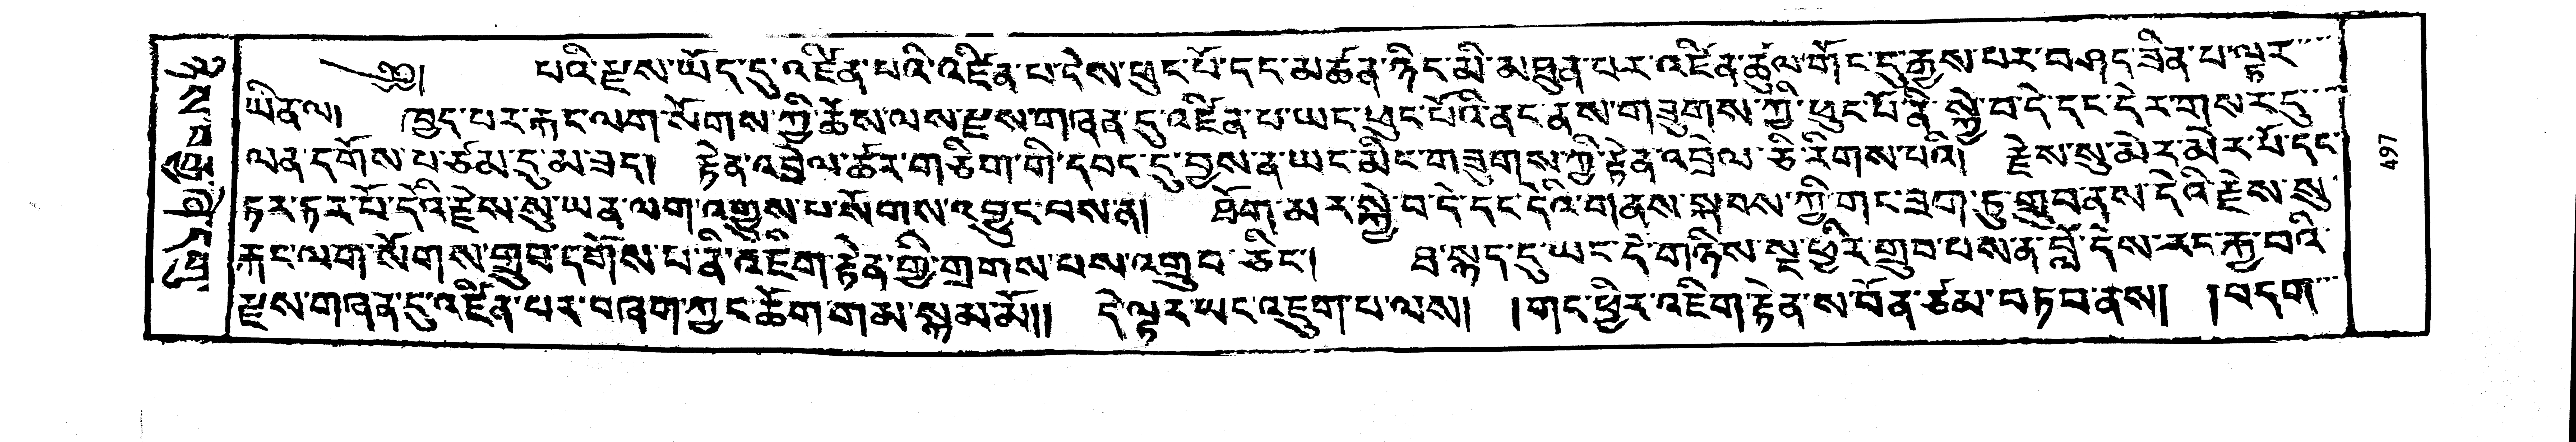༄༅། །་པའི་རྫས་ཡོད་དུ་འཛིན་པའི་འཛིན་པ་དེས་ཕུང་པོ་དང་མཚན་ཉིད་མི་མཐུན་པར་འཛིན་ཚུལ་གོང་དུ་རྒྱས་པར་བཤད་ཟིན་པ་ལྟར་
ཡིན་ལ། ཁྱད་པར་རྐང་ལག་སོགས་ཀྱི་ཆོས་ལས་རྫས་གཞན་དུ་འཛིན་པ་ཡང་ཕུང་པོའི་ནང་ནས་གཟུགས་ཀྱི་ཕུང་པོ་ནི་སྐྱེ་བ་དེ་དང་དེར་གསར་དུ་
ཏར་ཏར་བོ་དེའི་རྗེས་སུ་ཡན་ལག་འགྱུས་པ་སོགས་འབྱུང་བས་ན། ཐོག་མར་སྐྱེ་བ་དེ་དང་དེའི་གནས་སྐབས་ཀྱི་གང་ཟག་ཏུ་གྲུབ་ནས་དེའི་རྗེས་སུ་
རྐང་ལག་སོགས་གྲུབ་དགོས་པ་ནི་འཇིག་རྟེན་གྱི་གྲགས་པས་འགྲུབ་ཅིང་། ཐ་སྙད་དུ་ཡང་དེ་གཉིས་སྔ་ཕྱིར་གྲུབ་པས་ན་བློ་དེས་རང་རྐྱ་བའི་
རྫས་གཞན་དུ་འཛིན་པར་བཞག་ཀྱང་ཆོག་གམ་སྙམ་མོ། །དེ་ལྟར་ཡང་འཇུག་པ་ལས། །གང་ཕྱིར་འཇིག་རྟེན་ས་བོན་ཙམ་བཏབ་ནས། །བདག་